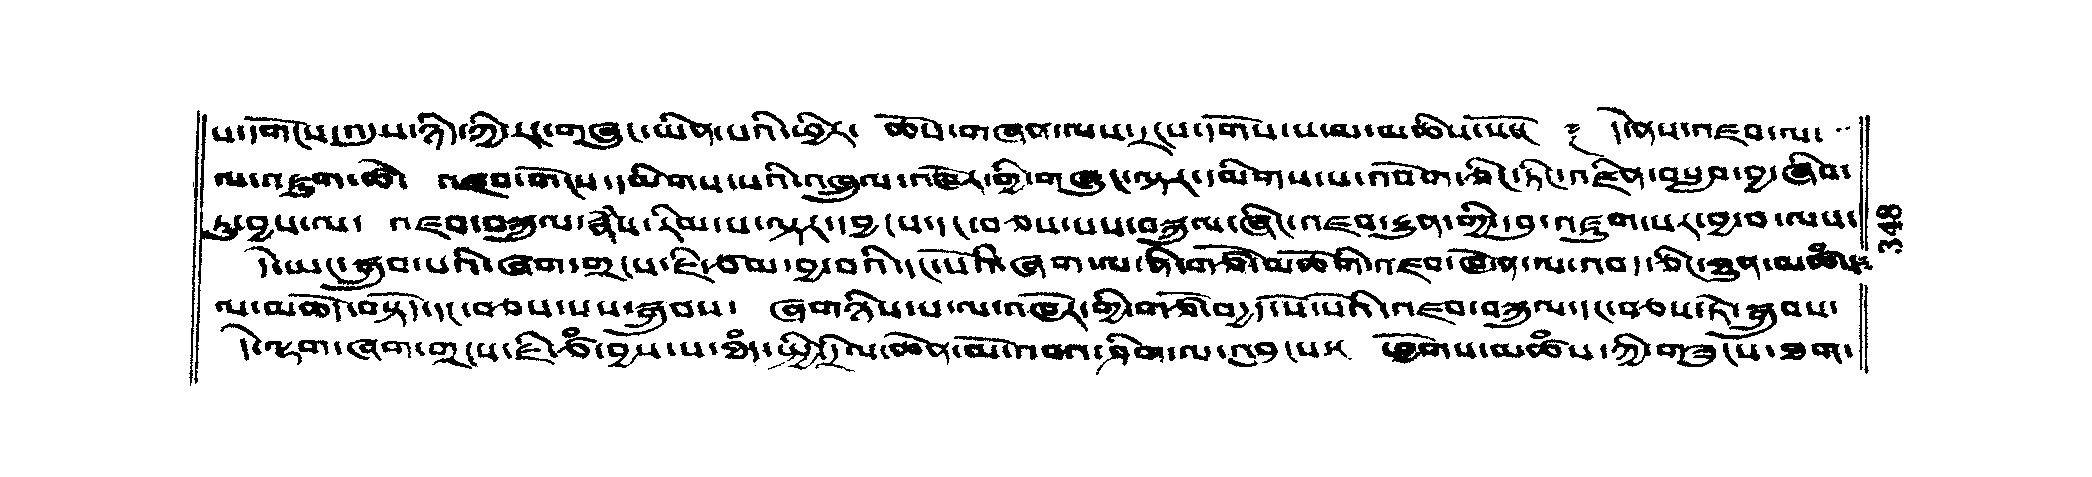པ་དགོངས་འདུས་ཉིད་ཀྱི་རང་གཞུང་ཡིན་པའི་ཕྱིར། ཆོས་གཞན་ལས་དྲངས་དགོས་མ་མཆིས་སོ། ༈ དེ་ནས་འཛབ་ལ་
འཇུག་ཚེ། འཛབ་དགོངས་དམིགས་པའི་འཁྲུལ་འཁོར་གྱི་གཞུང་ལྟར་དམིགས་པ་འབོག་ཅིང་ཏིང་འཛིན་བསླབ་བྱ་ཞིབ་
ཏུ་བྱས་ལ། འཛབ་བསྐུལ་རྣམས་རིམ་པ་ལྟར་དབྱངས་དང་བཅས་པས་བསྐུལ་ཞིང་འཛབ་་རྒྱུན་གྱི་དབུ་འཛུགས་པར་བྱ་བ་ལས། 
དེ་ཡང་སྒྲུབ་པའི་ཞག་གྲངས་ཇི་ཙམ་བྱ་བའི་དང་པོའི་ཞག་ལ་ནི་གཙོ་མཆོག་གི་འཛབ་ཁོ་ན་ལ་འབད་ཅིང་ཐུན་མཚམས་
ལ་མཆོད་བསྟོད་དང་བཅས་པས་སྒྲུབས། ཞག་གཉིས་པ་ལ་འཁོར་གྱི་གཙོ་བརྒྱད་སོ་སོའི་འཛབ་བསྐུལ་དང་བཅས་ཏེ་སྒྲུབས། 
དེ་ལྷག་ཞག་གྲངས་ཇི་ཙམ་བྱས་པ་ཐམས་ཅད་སྤྱི་དྲིལ་ཆེན་མོ་འབའ་ཤིག་ལ་འབུངས། ཕྱོགས་མཚམས་ཀྱི་གཟུངས་ཐག་